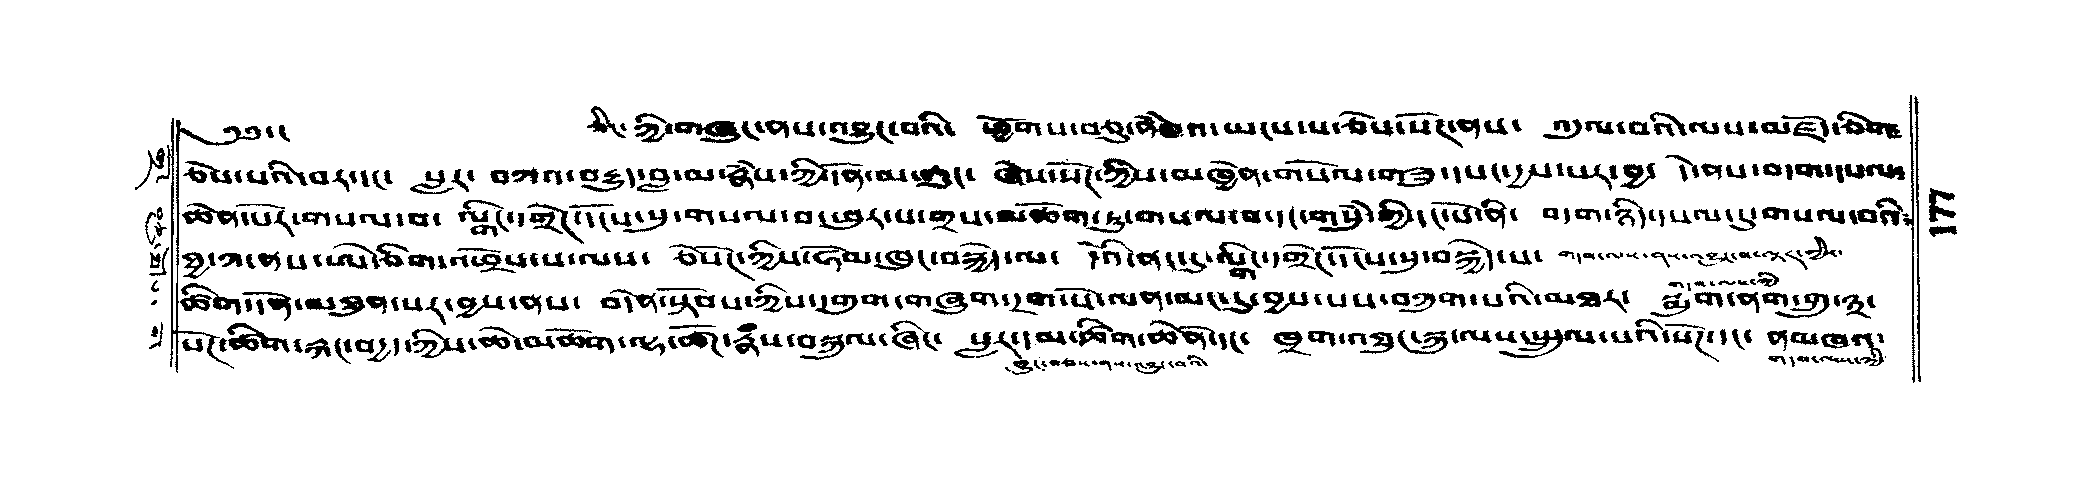ཀྱི་གཞུང་ནས་འབྱུང་བའི། ཕྱོགས་བཅུ་ནམ་མཁའ་ཡངས་པ་ཅེས་སོགས་ནས། འདུལ་བའི་ལས་མཛོད་ཅིག་
ཅེས་པའི་བར་དང་། སླར་བཀའ་བརྒྱུད་བླ་མ་རྣམས་ཀྱི་དོན་མ་ཆུང་། ཞེས་སོགས་ཀྱིས་མཁྱེན་གསོལ་གཟུ་དཔང་རྒྱས་པར་བྱ། དེ་ནས་བདག་དཔལ་
ཆེན་པོར་གསལ་བ། ལིངྒ་དགྲ་བགེགས་དངོས་སུ་གསལ་བ་ཕུར་པ་གྲས་མཆོག་ཏུ་གསལ་བ་དང་གསུམ་གྱི་དང་པོ་ནི། བདག་ཉིད་གདབ་ལས་ནས་འབྱུང་བ་ལྟར་གྱིས་ཉིད་དཔལ་དུ་གསལ་བའི་
ཐུགས་ཀ་ནས་ཨེ་གཅིག་འཕྲོས་པ་ལས། ཅེས་སོགས་ཀྱི་ཧོམ་ཁུང་བསྐྱེད་ལ། དེའི་ནང་དུ་ལིངྒ་དགྲ་བགེགས་དངོས་སུ་བསྐྱེད་པ་ གདབ་ལས་ནས་འབྱུང་བ་ལྟར་གྱིས་
ཚིག་དོན་མཐུན་པར་བྱས་ནས། བདེན་སྟོབས་ཀྱིས་དགུག་གཞུག་དྲག་པོ་ལན་མང་དུ་བྱས་པས་བཀུག་པའི་མཐར། གདབ་ལས་ཀྱི་སྨུག་ནག་གྲུ་གསུམ་ཉྲ་
སོགས་ཚིག་རྐང་བརྒྱད་ཀྱིས་ཆེ་མཆོག་ལྷ་ཚོགས་རྣམས་བསྐུལ་ཞིང་། སླར་དམ་ཁྱུང་བཅས་ནས་འབྱུང་བའི་ཚིག་ཆེན་པོ་དང་། ཁྲག་འཐུང་སྐུ་ལས་སྤྲུལ་པའི་སོགས་དང་། གདབ་ལས་ཀྱི་ནམ་མཁའ་